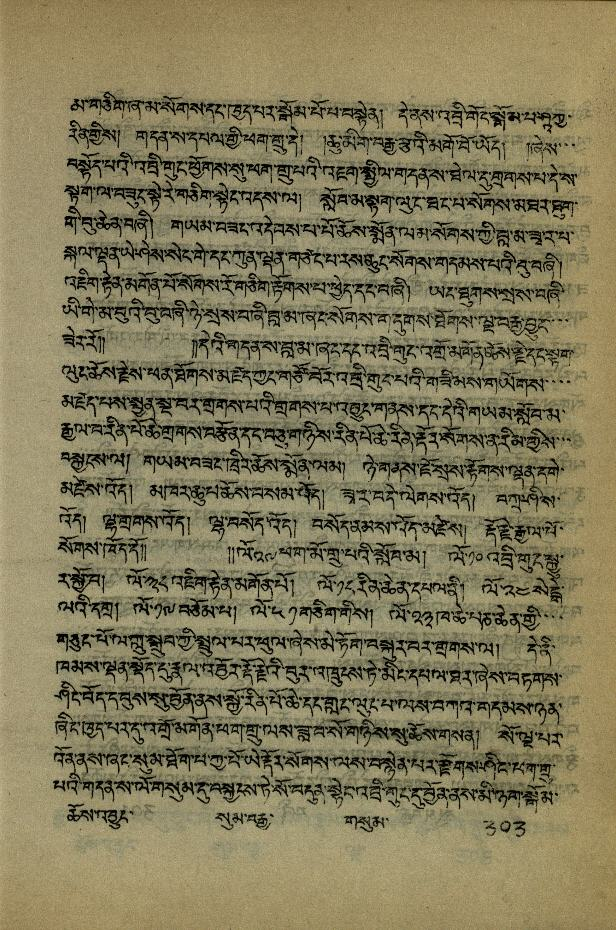མ་གཅིག་ཞ་མ་སོགས་དང་ཁྱད་པར་སྒོམ་པོ་པ་བསྟེན། དེ་ནས་འབྲི་གོང་སྒོམ་པ་ཤཱཀྱ་
རིན་གྱིས། གདན་ས་དཔལ་གྱི་ཕག་གྲུ་དེ། །ཆུ་མིག་བརྒྱ་རྩའི་མགོ་བོ་ཡོད། །ཞེས་
བསྟོད་པའི་འབྲི་གུང་ཕྱོགས་སུ་ཕག་གྲུ་པའི་འཇག་སྤྱིལ་གདན་ས་ཐེལ་དུ་གྲགས་པ་དེ་ས་
སྟག་ལ་བཟུང་སྟེ་རེ་གཅིག་སྟེང་འདས་ལ། སློབ་མ་སྟག་ལུང་ཐང་པ་སོགས་མཐར་ཐུག་
གི་བུ་ཆེན་བཞི། གཡམ་བཟང་འདེབས་པ་པོ་ཆོས་སྨོན་ལམ་སོགས་ཀྱི་བླ་མ་ཟྭ་ར་པ་
སྐལ་ལྡན་ཡེ་ཤེས་སེང་གེ་དང་ཀུན་ལྡན་གཙང་པ་རས་ཆུང་སོགས་གདམས་པའི་བུ་བཞི།
འཇིག་རྟེན་མགོན་པོ་སོགས་རོ་གཅིག་རྟོགས་པ་ཕྱེད་དང་བཞི། ཡང་ཐུགས་སྲས་བཞི་
ཡི་གེ་མ་བུའི་བུ་བཞི་ཉེ་སྲས་བཞི་བླ་མ་ཞང་སོགས་གདུགས་ཐོགས་ལྔ་བརྒྱ་བྱུང་
ཟེར་རོ།། །།དེའི་གདན་ས་བླ་མ་ཞང་དང་འབྲི་གུང་འགྲོ་མགོན་ཆོས་རྗེ་དང་སྟག་
ལུང་ཆོས་རྗེས་ཕན་ཐོགས་མཛད་ཀྱང་གཙོ་བོར་འབྲི་གུང་པའི་གཟིམས་གཡོགས་
མཛད་པས་སྤྱན་སྔ་བར་གྲགས་པའི་གྲགས་པ་འབྱུང་གནས་དང་དེའི་གཡམ་སློབ་མ་
རྒྱལ་བ་རིན་པོ་ཆེ་གྲགས་བརྩོན་དང་བཅུ་གཉིས་རིན་པོ་ཆེ་རིན་རྡོར་སོགས་ན་རིམ་གྱིས་
བསྐྱངས་ལ། གཡམ་བཟང་ཁྲིར་ཆོས་སྨོན་ལམ། ཉེ་གནས་ཇོ་སྲས་རྟོགས་ལྡན་དགེ་
མཛེས་འོད། མཁར་ཆུ་པ་ཆོས་བསམ་འོད། ཟྭ་ར་བདེ་ལེགས་འོད། བཀྲ་ཤིས་
འོད། ལྷ་གྲགས་འོད། ལྷ་བསོད་འོད། བསོད་ནམས་འོད་མཛེས། རྡོ་རྗེ་རྒྱལ་པོ་
སོགས་ཁོད་དོ།། །།ལོ ༢༧་ཕག་མོ་གྲུ་པའི་སློབ་མ། ལོ ༡༠་འབྲི་གུང་སྐྱུ་
ར་སྐྱོ་བ། ལོ ༣༨་འཇིག་རྟེན་མགོན་པོ། ལོ ༡༨་རིན་ཆེན་དཔལ་ནི། ལོ ༢༤་སེངྒེ་
ལའི་དགྲ། ལོ ༡༩་བཅོམ་པ། ལོ ༥༡་གཅིག་གིས། ལོ ༢༣་ཁ་ཆེ་པཎ་ཆེན་གྱི་
གཅུང་པོ་ལ་ཀླུ་སྒྲུབ་ཀྱི་སྤྲུལ་པར་ཕུལ་ཞེས་མེ་ཏོག་བསྐུར་བར་གྲགས་ལ། དེ་ནི་
ཁམས་ལྡན་སྡོད་དུ་རྣལ་འབྱོར་རྡོ་རྗེའི་བུར་འཁྲུངས་ཏེ་མིང་དཔལ་ཐར་ཞེས་བཏགས་
ཤིང་བོད་དབུས་སུ་བྱོན་ནས་སྐྱོ་རིན་པོ་ཆེ་དང་གླང་ལུང་པ་ལས་བཀའ་གདམས་ཉན་
ཞིང་ཁྱད་པར་དུ་འགྲོ་མགོན་ཕག་གྲུ་ལས་ཟླ་བ་སོ་གཉིས་སུ་ཆོས་གསན། སོ་ལྔ་པར་
འོན་ནས་ཞང་སུམ་ཐོག་པ་ཀྱ་པོ་ཡེ་རྡོར་སོགས་ལས་བསྙེན་པར་རྫོགས་ཤིང་ཕག་གྲུ་
པའི་གདན་ས་ལོ་གསུམ་དུ་བསྐྱངས་ཏེ་སོ་བདུན་སྟེང་འབྲི་གུང་དུ་བྱོན་ནས་མི་ཉག་སྒོམ་